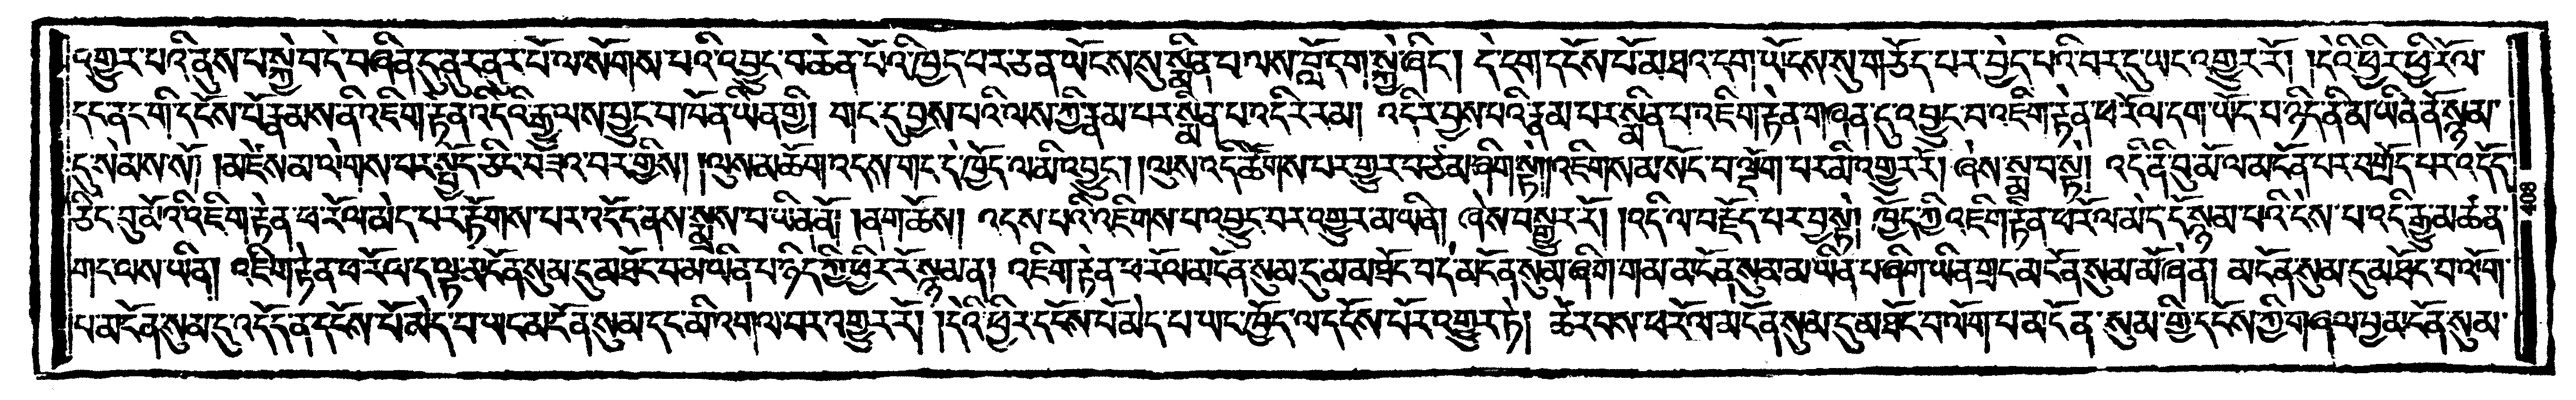འགྱུར་བའི་ནུས་པ་སྐྱེ་བ་དེ་བཞིན་དུ་ནུར་ནུར་པོ་ལ་སོགས་པའི་འབྱུང་བ་ཆེན་པོའི་ཁྱད་པར་ཅན་ཡོངས་སུ་སྨིན་པ་ལས་བློ་དག་སྐྱེ་ཞིང་། དེ་དག་དངོས་པོ་མཐའ་དག་ཡོངས་སུ་གཅོད་པར་བྱེད་པའི་བར་དུ་ཡང་འགྱུར་རོ། །དེའི་ཕྱིར་ཕྱི་རོལ་
དང་ནང་གི་དངོས་པོ་རྣམས་ནི་འཇིག་རྟེན་འདིའི་རྒྱུ་ལས་བྱུང་བ་ཁོ་ན་ཡིན་གྱི། གང་དུ་བྱས་པའི་ལས་ཀྱི་རྣམ་པར་སྨིན་པ་འདིར་རམ། འདིར་བྱས་པའི་རྣམ་པར་སྨིན་པ་འཇིག་རྟེན་གཞན་དུ་འབྱུང་བ་འཇིག་རྟེན་ཕ་རོལ་དག་ཡོད་པ་ཉིད་ནི་མ་ཡིན་ནོ་སྙམ་
དུ་སེམས་སོ། །མཛེས་མ་ལེགས་པར་སྤྱོད་ཅིང་བཟའ་བར་གྱིས། །ལུས་མཆོག་འདས་གང་དེ་ཁྱོད་ལ་མི་འབྱུང་། །ལུས་འདི་ཚོགས་པར་གྱུར་པ་ཙམ་ཞིག་སྟེ། །འཇིགས་མ་སོང་བ་ལྡོག་པར་མི་འགྱུར་རོ། ཞེས་སྨྲ་བ་སྟེ། འདི་ནི་བུ་མོ་ལ་མངོན་པར་བགྲོད་པར་འདོད་
ཅིང་བུ་མོའི་འཇིག་རྟེན་ཕ་རོལ་མེད་པར་རྟོགས་པར་འདོད་ནས་སྨྲས་པ་ཡིན་ནོ། །ནག་ཚོས། འདས་པའི་འཇིགས་པ་འབྱུང་བར་འགྱུར་མ་ཡིན། ཞེས་བསྒྱུར་རོ། །འདི་ལ་བརྗོད་པར་བྱ་སྟེ། ཁྱོད་ཀྱི་འཇིག་རྟེན་ཕ་རོལ་མེད་དོ་སྙམ་པའི་ངེས་པ་འདི་རྒྱུ་མཚན་
གང་ལས་ཡིན། འཇིག་རྟེན་ཕ་རོལ་ད་ལྟ་མངོན་སུམ་དུ་མཐོང་བ་མ་ཡིན་པ་ཉིད་ཀྱི་ཕྱིར་རོ་སྙམ་ན། འཇིག་རྟེན་ཕ་རོལ་མངོན་སུམ་དུ་མ་མཐོང་བ་དེ་མངོན་སུམ་ཞིག་གམ་མངོན་སུམ་མ་ཡིན་པ་ཞིག་ཡིན་གྲང་མངོན་སུམ་མོ་ཞེ་ན། མངོན་སུམ་དུ་མཐོང་བ་ལོག་
པ་མངོན་སུམ་དུ་འདོད་ན་དངོས་པོ་མེད་པ་ཡང་མངོན་སུམ་དང་མི་འགལ་བར་འགྱུར་རོ། །དེའི་ཕྱིར་དངོས་པོ་མེད་པ་ཡང་ཁྱོད་ལ་དངོས་པོར་འགྱུར་ཏེ། ཚེ་རབས་ཕ་རོལ་མངོན་སུམ་དུ་མཐོང་བ་ལོག་པ་མངོན་སུམ་གྱི་དངོས་ཀྱི་གཞལ་བྱ་མངོན་སུམ་